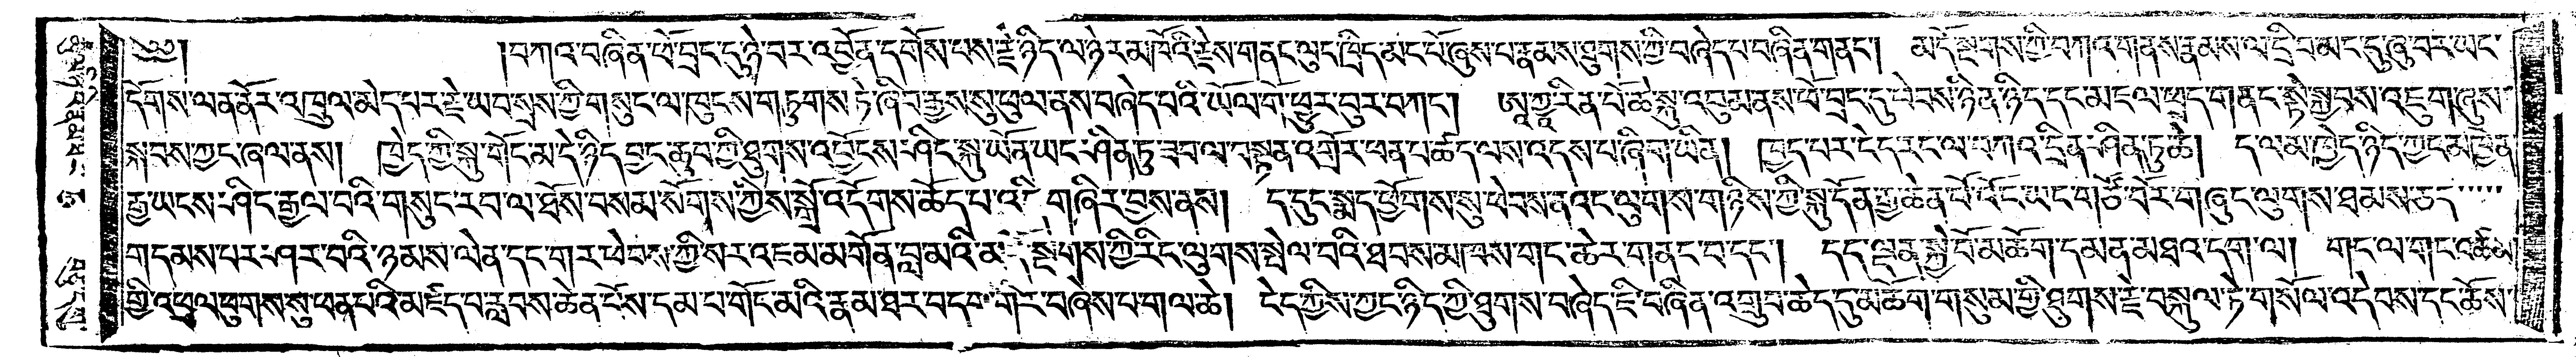༄༅། །བཀའ་བཞིན་ཕོ་བྲང་དུ་ཉེ་བར་འབྱོན་དགོས་པས་རྗེ་ཉིད་ལ་ཉེར་མཁོའི་རྗེས་གནང་ལུང་ཁྲིད་མང་པོ་ཞུས་པ་རྣམས་ཐུགས་ཀྱི་བཞེད་པ་བཞིན་གནང་། མདོ་སྔགས་ཀྱི་བཀའ་གནས་རྣམས་ལ་དྲི་བ་མང་དུ་ཞུ་བར་ཡང་
དོགས་ལན་ནོར་འཁྲུལ་མེད་པར་རྗེ་ཡབ་སྲས་ཀྱི་གསུངས་ལ་ཁུངས་གཏུགས་ཏེ་ཞིབ་རྒྱས་སུ་ཕུལ་ནས་བཞེད་པའི་ཡོལ་གོ་ཕྱུར་བུར་བཀང་། ཨཱ་ཀྱཱ་རིན་པོ་ཆེ་སྐུ་འབུམ་ནས་ཕོ་བྲང་དུ་ཕེབས་ཉིན་ཉིད་དང་མཇལ་ཕྲད་གནང་སྟེ་སྐྱབས་འཇུག་ཞུས་
སྐབས་ཀྱང་ཞལ་ནས། ཁྱེད་ཀྱི་སྐུ་གོང་མ་དེ་ཉིད་བྱང་ཆུབ་ཀྱི་ཐུགས་འབྱོངས་ཤིང་སྐུ་ཡོན་ཡང་ཤིན་ཏུ་ཟབ་ལ་བསྟན་འགྲོར་ཕན་པ་ཚད་ལས་འདས་པ་ཞིག་ཡིན། ཁྱད་པར་ངེད་རང་ལ་བཀའ་དྲིན་ཤིན་ཏུ་ཆེ། ད་ལམ་ཁྱེད་ཉིད་ཀྱང་མཁྱེན་
རྒྱ་ཡངས་ཤིང་རྒྱལ་བའི་གསུང་རབ་ལ་ཐོས་བསམ་སོགས་ཀྱིས་སྒྲོ་འདོགས་ཆོད་པ་འདི་གཞིར་བྱས་ནས། ད་དུང་སྨད་ཕྱོགས་སུ་ཕེབས་ནའང་ལུགས་གཉིས་ཀྱི་སྐུ་དོན་རྒྱ་ཆེན་པོ་འོང་ཡང་གཙོ་བོར་གཞུང་ལུགས་ཐམས་ཅད་
གདམས་པར་ཤར་བའི་ཉམས་ལེན་དང་གར་ཕེབས་ཀྱི་སར་འཇམ་མགོན་བླ་མའི་མདོ་སྔགས་ཀྱི་རིང་ལུགས་སྤེལ་བའི་ཐབས་མཁས་གང་ཆེར་གནང་བ་དང་། དད་ལྡན་སྐྱེ་བོ་མཆོག་དམན་མཐའ་དག་ལ། གང་ལ་གང་འཚམ་
གྱི་འཕྲལ་ཕུགས་སུ་ཕན་པའི་མཛད་བ་རླབས་ཆེན་པོས་དམ་པ་གོང་མའི་རྣམ་ཐར་བདག་གིར་བཞེས་པ་གལ་ཆེ། ངེད་ཀྱིས་ཀྱང་ཉིད་ཀྱི་ཐུགས་བཞེད་ཇི་བཞིན་འགྲུབ་ཆེད་དུ་མཆོག་གསུམ་གྱི་ཐུགས་རྗེ་བསྐུལ་ཏེ་གསོལ་འདེབས་དང་ཆོས་